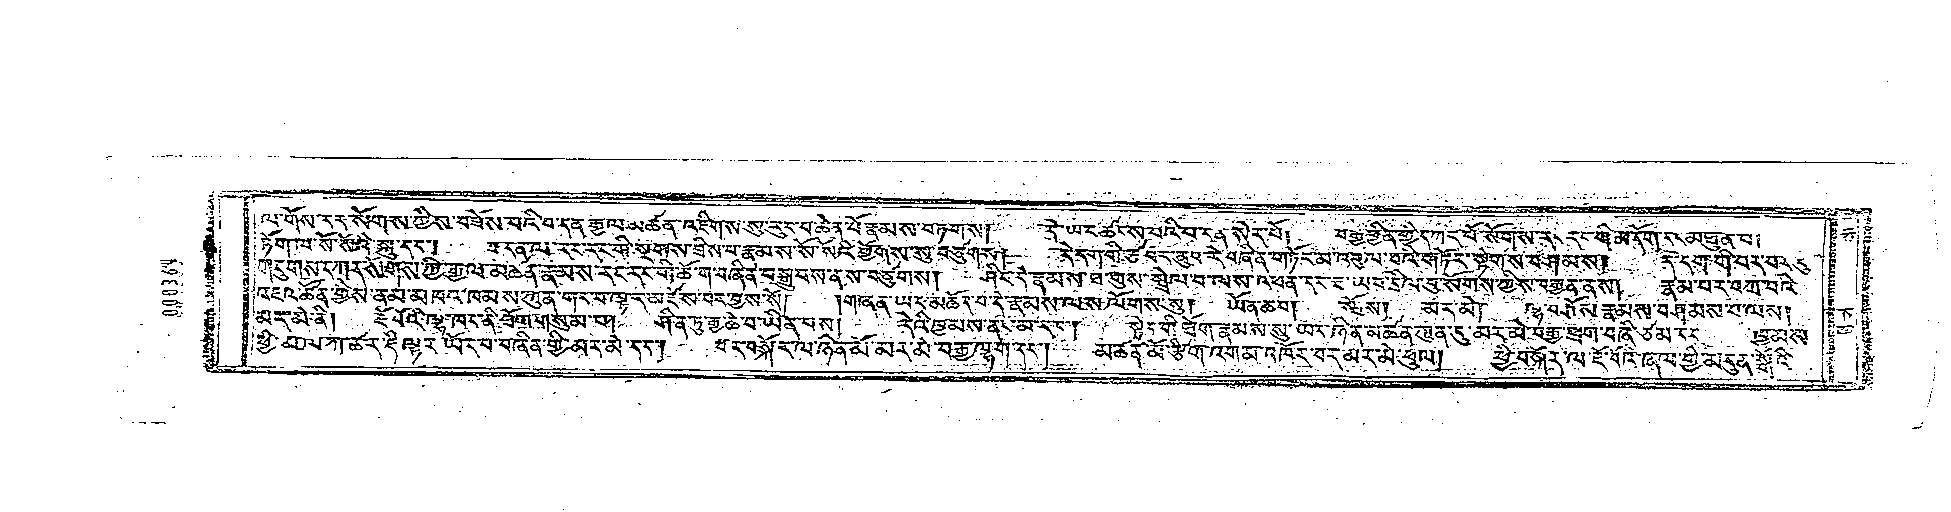ལ་གོས་རང་སོགས་ཀྱིས་བཟོས་པའི་བ་དན་རྒྱལ་མཚན་འཇིགས་སུ་རུང་བ་ཆེན་པོ་རྣམས་བཏགས། དེ་ཡང་ཚངས་པའི་བ་དན་སེར་པོ། བརྒྱ་བྱིན་གྱི་དཀར་པོ་སོགས་རང་རང་གི་མདོག་དང་མཐུན་པ།
ཏོག་ལ་སོ་སོའི་སྐུ་དང་། བ་དན་ལ་རང་རང་གི་སྔགས་བྲིས་པ་རྣམས་སོ་སོའི་ཕྱོགས་སུ་བཙུགས། དེ་དག་གི་རྩ་བར་ནུབ་རེ་བཞིན་གཏོར་མ་འབུལ་བའི་གཏོར་སྟེགས་བཤམས། དེ་དག་གི་བར་བར་དུ་
གདུགས་དཀར་སོགས་ཀྱི་རྒྱལ་མཚན་རྣམས་རང་རང་གི་ཆོ་ག་བཞིན་བསྒྲུབས་ནས་བཙུགས། ཤིང་དེ་རྣམས་ཐ་གུས་སྤྲེལ་བ་ལས་འཕན་དང་རྔ་ཡབ་དྲིལ་བུ་སོགས་ཀྱིས་བརྒྱན་ནས། རྣམ་པར་བཀྲ་བའི་
འཇའ་ཚོན་གྱིས་ནམ་མཁའ་ཁམས་ཀུན་གང་བ་ལྟར་མཛེས་བར་བྱས་སོ། །གཞན་ཡང་མཆོད་པ་དེ་རྣམས་ལས་ལོགས་སུ། ཡོན་ཆབ། སྤོས། མར་མེ། ལྷ་བཤོས་རྣམས་བཤམས་པ་ལས།
མར་མེ་ནི། ཇོ་བོའི་ལྷ་ཁང་ནི་ཐོག་གསུམ་པ། ཤིན་ཏུ་རྒྱ་ཆེ་བ་ཡིན་བས། དེའི་ཁྱམས་ནང་མ་དང་། སྟེང་གི་ཐོག་རྣམས་སུ་ཡང་ཉིན་མཚན་ཀུན་དུ་མར་མེ་བརྒྱ་ཕྲག་བཞི་ཙམ་དང་། ཁྱམས་
ཕྱི་མ་ལ་ཀ་ཚར་ཇི་ལྟར་ཡོད་བ་བཞིན་གྱི་མར་མེ་དང་། བར་བསྐོར་ལ་ཉིན་མོ་མར་མེ་བརྒྱ་ལྷག་དང་། མཚན་མོ་རྩིག་འགའ་འཁོར་བར་མར་མེ་ཕུལ། ཕྱི་བསྐོར་ལ་ཇོ་བོའི་ཞལ་གྱི་མདུན་སྒོའི་